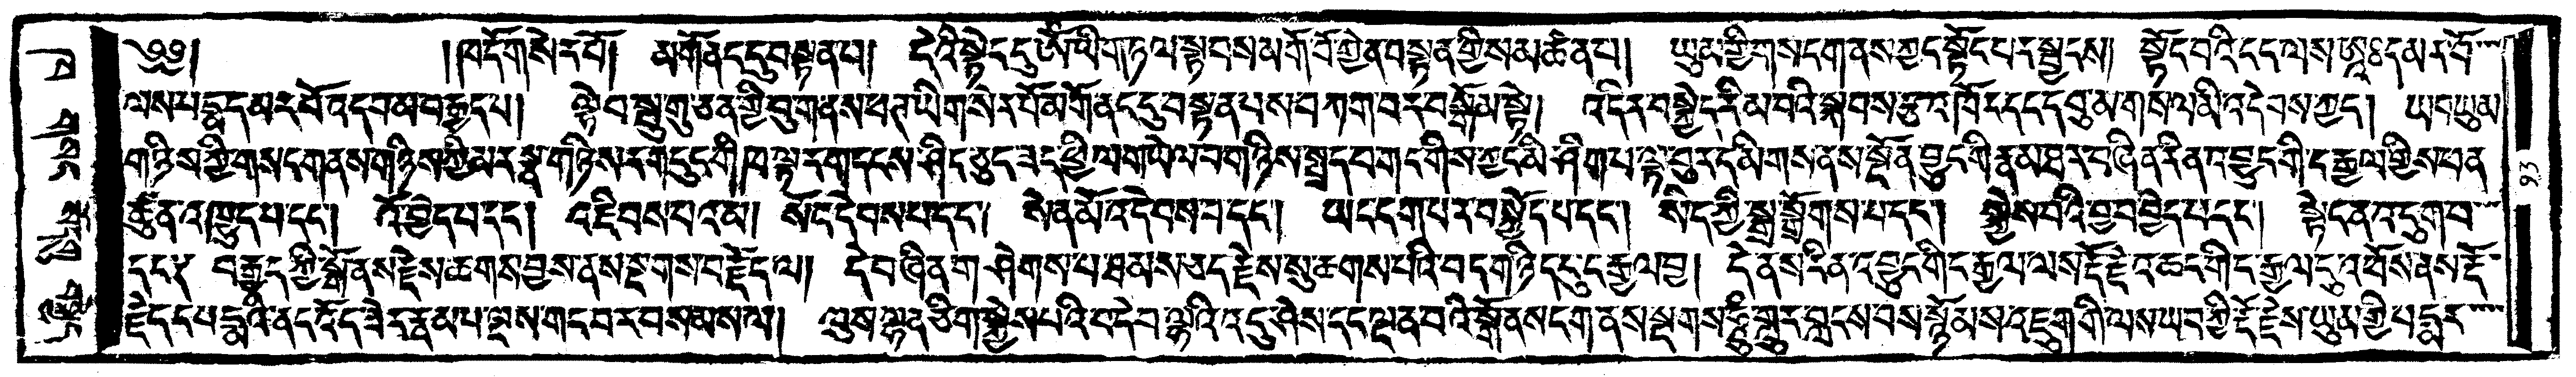༄༅། །ཁ་དོག་སེར་པོ། མགོ་ནང་དུ་བསྟན་པ། དེའི་སྟེང་དུ་ཨོཾ་ཡིག་ཉལ་སྟབས་མགོ་བོ་གྱེན་བསྟན་གྱིས་མཚན་པ། ཡུམ་གྱི་གསང་གནས་ཀྱང་སྟོང་པར་སྦྱངས། སྟོང་པའི་ངང་ལས་ཨཱཿདམར་པོ་
ལས་པདམ་དམར་པོ་འདབ་མ་བརྒྱད་པ། ལྟེ་བ་སྤུ་གུ་ཅན་གྱི་བུ་ག་ནས་ཕགས་ཡིག་སེར་པོ་མགོ་ནང་དུ་བསྟན་པས་བཀག་བར་བསྒོམ་སྟེ། འདིར་བསྐྱེད་རིམ་པའི་སྐབས་རྩ་འཁོར་དང་དབུ་མ་གསལ་མི་འདེབས་ཀྱང་། ཡབ་ཡུམ་
གཉིས་ཀྱི་གསང་གནས་གཉིས་ཀྱི་མར་སྣ་གཉིས་སར?་གདུང་གི་ཁ་ལྟར་གདངས་ཤིན་ཅུང་ཟད་ཕྱི་ལ་གཡེལ་བ་གཉིས་སྤྲད་པ་གང་གིས་ཀྱང་མི་ཤིག་པ་ལྟ་བུར་དམིགས་ནས་སྔོན་བྱུང་གི་རྣམ་ཐར་བཞིན་རིན་འབྱུང་གི་ང་རྒྱལ་གྱིས་ཕན་
ཚུན་འཁྱུད་པ་དང་། འོ་བྱེད་པ་དང་། འཇིབས་པའམ། སོ་འདེབས་པ་དང་། སེན་མོ་འདེབས་བ་དང་། ཡང་དག་པར་བསྐྱོད་པ་དང་། སིད་ཀྱི་སྒྲ་སྒྲོགས་པ་དང་། སྐྱེས་བའི་བྱ་བ་བྱེད་པ་དང་། སྟེང་ན་འདུག་པ་
དང༑ བརྒྱད་ཀྱི་སྒོ་ནས་རྗེས་ཆགས་བྱས་ནས་སྔགས་བརྗོད་ལ། དེ་བཞིན་གཤེགས་པ་ཐམས་ཅད་རྗེས་སུ་ཆགས་པའི་བདག་ཉིད་དུ་ང་རྒྱལ་བྱ། དེ་ནས་རིན་འབྱུང་གི་ང་རྒྱལ་ལས་རྡོ་རྗེ་འཆང་གི་ང་རྒྱལ་དུ་འཕོས་ནས་རྡོ་
རྗེ་དང་པདམའི་ནང་འོད་ཟེར་རྣམ་པ་ལྔས་གང་བར་བསམས་ལ། ལུས་ལྷན་ཅིག་སྐྱེས་པའི་བདེ་བ་ལྷའི་འདུ་ཤེས་དང་ལྡན་བའི་སྒོ་ནས་ངག་ནས་སྔགས་ཧཱུཾ་གླུར་བླངས་བས་སྙོམས་འཇུག་གི་ལས་ཡབ་ཀྱི་རྡོ་རྗེས་ཡུམ་གྱི་པདམར་